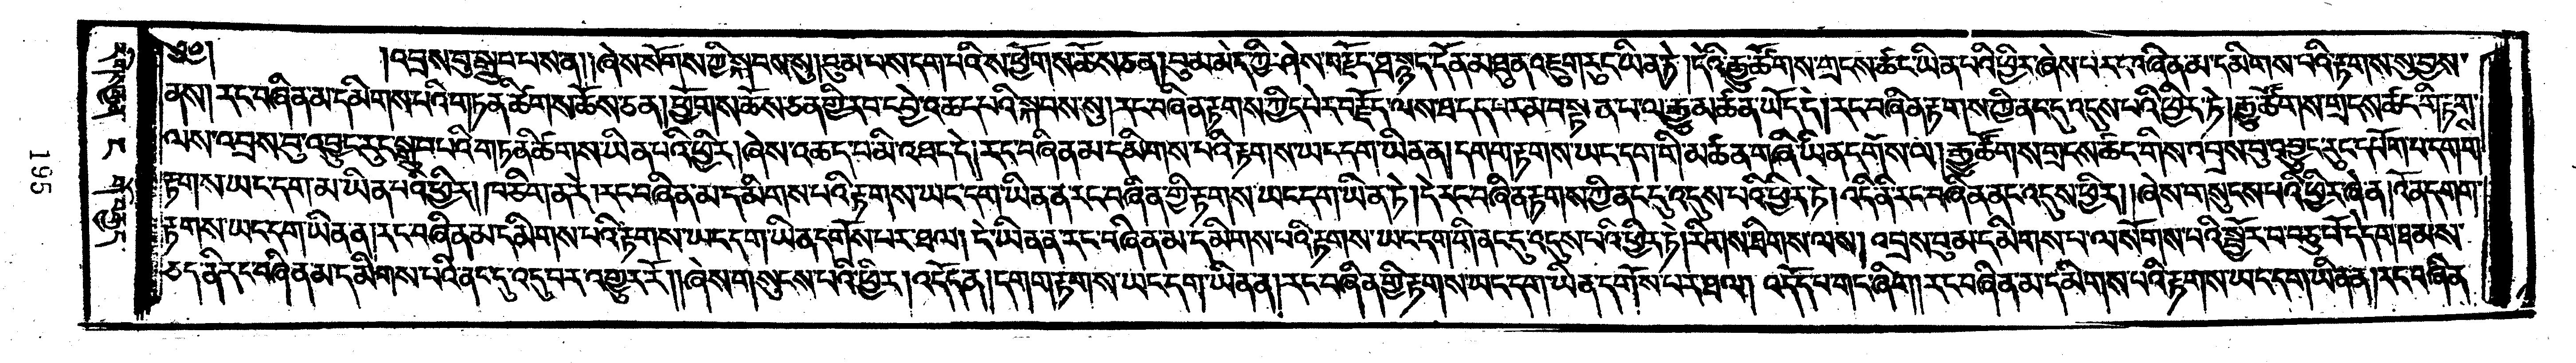༄༅། །འབྲས་བུ་སྒྲུབ་པས་ན། །ཞེས་སོགས་ཀྱི་སྐབས་སུ། བུམ་པས་དག་པའི་ས་ཕྱོགས་ཆོས་ཅན། བུམ་མེད་ཀྱི་ཤེས་བརྗོད་ཐ་སྙད་དོན་མཐུན་འཇུག་རུང་ཡིན་ཏེ། དེའི་རྒྱུ་ཚོགས་གྲངས་ཚང་ཡིན་པའི་ཕྱིར་ཞེས་པ་རང་བཞིན་མ་དམིགས་པའི་རྟགས་སུ་བྱས་
ནས། རང་བཞིན་མ་དམིགས་པའི་གཏན་ཚིགས་ཆོས་ཅན། ཕྱོགས་ཆོས་ཅན་གྱི་རབ་དབྱེ་འཆད་པའི་སྐབས་སུ། རང་བཞིན་རྟགས་ཀྱི་དཔེར་བརྗོད་ལས་ཐ་དད་པར་མ་བསྟན་པ་ལ་རྒྱུ་མཚན་ཡོད་དེ། རང་བཞིན་རྟགས་ཀྱི་ནང་དུ་འདུས་པའི་ཕྱིར་ཏེ། རྒྱུ་ཚོགས་གྲངས་ཚང་གི་རྟགས་
ལས་འབྲས་བུ་འབྱུང་རུང་སྒྲུབ་པའི་གཏན་ཚིགས་ཡིན་པའི་ཕྱིར། ཞེས་འཆད་པ་མི་འཐད་དེ། རང་བཞིན་མ་དམིགས་པའི་རྟགས་ཡང་དག་ཡིན་ན། དགག་རྟགས་ཡང་དག་གི་མཚན་གཞི་ཡིན་དགས་ལ། རྒྱུ་ཚོགས་གྲངས་ཚང་གིས་འབྲས་བུ་འབྱུང་རུང་དཔོག་པ་དགག་
རྟགས་ཡང་དག་མ་ཡིན་པའི་ཕྱིར། ཁ་ཅིག་ན་རེ། རང་བཞིན་མ་དམིགས་པའི་རྟགས་ཡང་དག་ཡིན་ན་རང་བཞིན་གྱི་རྟགས་ཡང་དག་ཡིན་ཏེ། དེ་རང་བཞིན་རྟགས་ཀྱི་ནང་དུ་འདུས་པའི་ཕྱིར་ཏེ། འདི་ནི་རང་བཞིན་ནང་འདུས་ཕྱིར། །ཞེས་གསུངས་པའི་ཕྱིར་ཞེ་ན། འོ་ན་དགག་
རྟགས་ཡང་དག་ཡིན་ན། རང་བཞིན་མ་དམིགས་པའི་རྟགས་ཡང་དག་ཡིན་དགོས་པར་ཐལ། དེ་ཡིན་ན་རང་བཞིན་མ་དམིགས་པའི་རྟགས་ཡང་དག་གི་ནང་དུ་འདུས་པའི་ཕྱིར་ཏེ། རིགས་ཐིགས་ལས། འབྲས་བུ་མ་དམིགས་པ་ལ་སོགས་པའི་སྦྱོར་བ་བཅུ་པོ་དེ་དག་ཐམས་
ཅད་ནི་རང་བཞིན་མ་དམིགས་པའི་ནང་དུ་འདུ་བར་འགྱུར་རོ། །ཞེས་གསུངས་པའི་ཕྱིར། འདོད་ན། དགག་རྟགས་ཡང་དག་ཡིན་ན། རང་བཞིན་གྱི་རྟགས་ཡང་དག་ཡིན་དགོས་པར་ཐལ། འདོད་པ་གང་ཞིག །རང་བཞིན་མ་དམིགས་པའི་རྟགས་ཡང་དག་ཡིན་ན། རང་བཞིན་